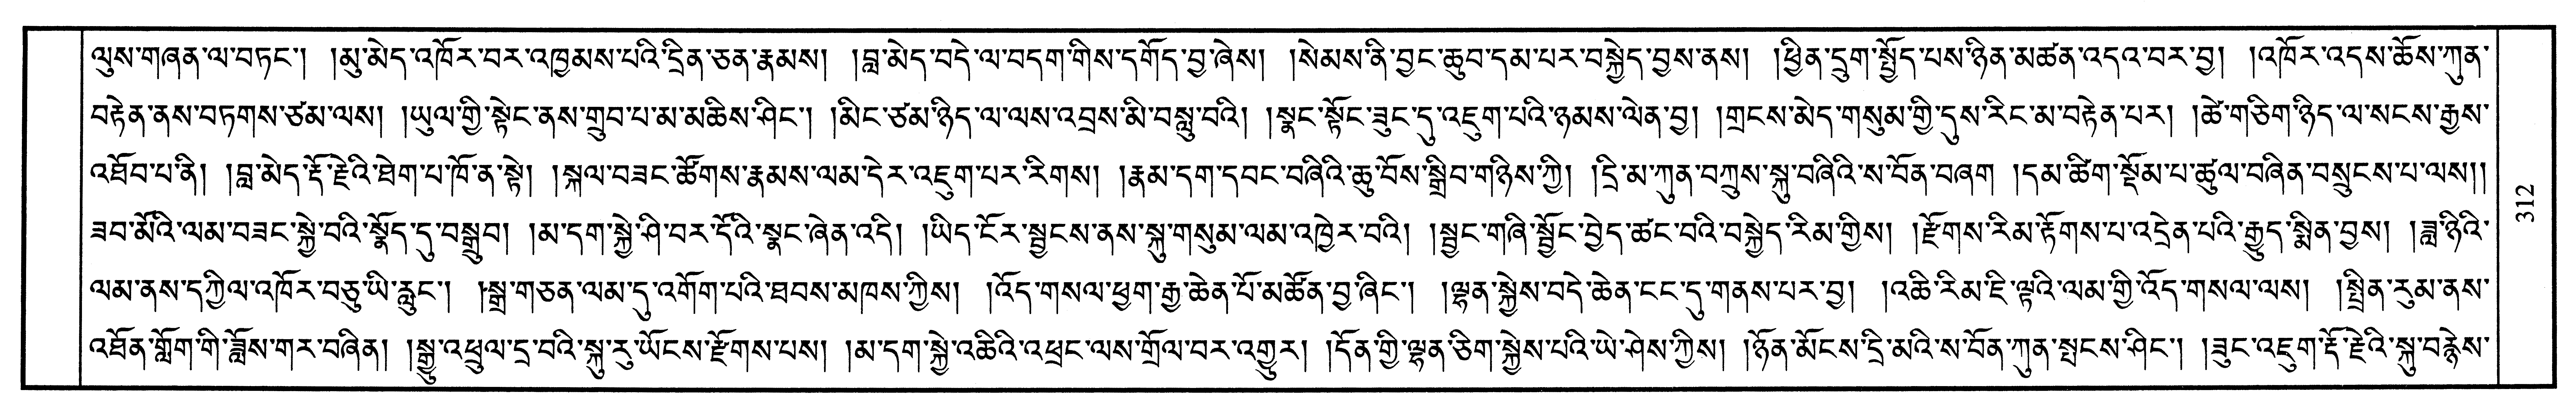ལུས་གཞན་ལ་བཏང་། །མུ་མེད་འཁོར་བར་འཁྱམས་པའི་དྲིན་ཅན་རྣམས། །བླ་མེད་བདེ་ལ་བདག་གིས་དགོད་བྱ་ཞེས། །སེམས་ནི་བྱང་ཆུབ་དམ་པར་བསྐྱེད་བྱས་ནས། །ཕྱིན་དྲུག་སྤྱོད་པས་ཉིན་མཚན་འདའ་བར་བྱ། །འཁོར་འདས་ཆོས་ཀུན་
བརྟེན་ནས་བཏགས་ཙམ་ལས། །ཡུལ་གྱི་སྟེང་ནས་གྲུབ་པ་མ་མཆིས་ཤིང་། །མིང་ཙམ་ཉིད་ལ་ལས་འབྲས་མི་བསླུ་བའི། །སྣང་སྟོང་ཟུང་དུ་འཇུག་པའི་ཉམས་ལེན་བྱ། །གྲངས་མེད་གསུམ་གྱི་དུས་རིང་མ་བརྟེན་པར། །ཚེ་གཅིག་ཉིད་ལ་སངས་རྒྱས་
འཐོབ་པ་ནི། །བླ་མེད་རྡོ་རྗེའི་ཐེག་པ་ཁོ་ན་སྟེ། །སྐལ་བཟང་ཚོགས་རྣམས་ལམ་དེར་འཇུག་པར་རིགས། །རྣམ་དག་དབང་བཞིའི་ཆུ་བོས་སྒྲིབ་གཉིས་ཀྱི། །དྲི་མ་ཀུན་བཀྲུས་སྐུ་བཞིའི་ས་བོན་བཞག །དམ་ཚིག་སྡོམ་པ་ཚུལ་བཞིན་བསྲུངས་པ་ལས།།
ཟབ་མོའི་ལམ་བཟང་སྐྱེ་བའི་སྣོད་དུ་བསྒྲུབ། །མ་དག་སྐྱེ་ཤི་བར་དོའི་སྣང་ཞེན་འདི། །ཡིད་ངོར་སྦྱངས་ནས་སྐུ་གསུམ་ལམ་འཁྱེར་བའི། །སྦྱང་གཞི་སྦྱོང་བྱེད་ཚང་བའི་བསྐྱེད་རིམ་གྱིས། །རྫོགས་རིམ་རྟོགས་པ་འདྲེན་པའི་རྒྱུད་སྨིན་བྱས། །ཟླ་ཉིའི་
ལམ་ནས་དཀྱིལ་འཁོར་བཅུ་ཡི་རླུང་། །སྒྲ་གཅན་ལམ་དུ་འགོག་པའི་ཐབས་མཁས་ཀྱིས། །འོད་གསལ་ཕྱག་རྒྱ་ཆེན་པོ་མཚོན་བྱ་ཞིང་། །ལྷན་སྐྱེས་བདེ་ཆེན་ངང་དུ་གནས་པར་བྱ། །འཆི་རིམ་ཇི་ལྟའི་ལམ་གྱི་འོད་གསལ་ལས། །སྤྲིན་རུམ་ནས་
འཐོན་གློག་གི་ཟློས་གར་བཞིན། །སྒྱུ་འཕྲུལ་དྲ་བའི་སྐུ་རུ་ཡོངས་རྫོགས་པས། །མ་དག་སྐྱེ་འཆིའི་འཕྲང་ལས་གྲོལ་བར་འགྱུར། །དོན་གྱི་ལྷན་ཅིག་སྐྱེས་པའི་ཡེ་ཤེས་ཀྱིས། །ཉོན་མོངས་དྲི་མའི་ས་བོན་ཀུན་སྤངས་ཤིང་། །ཟུང་འཇུག་རྡོ་རྗེའི་སྐུ་བརྙེས་